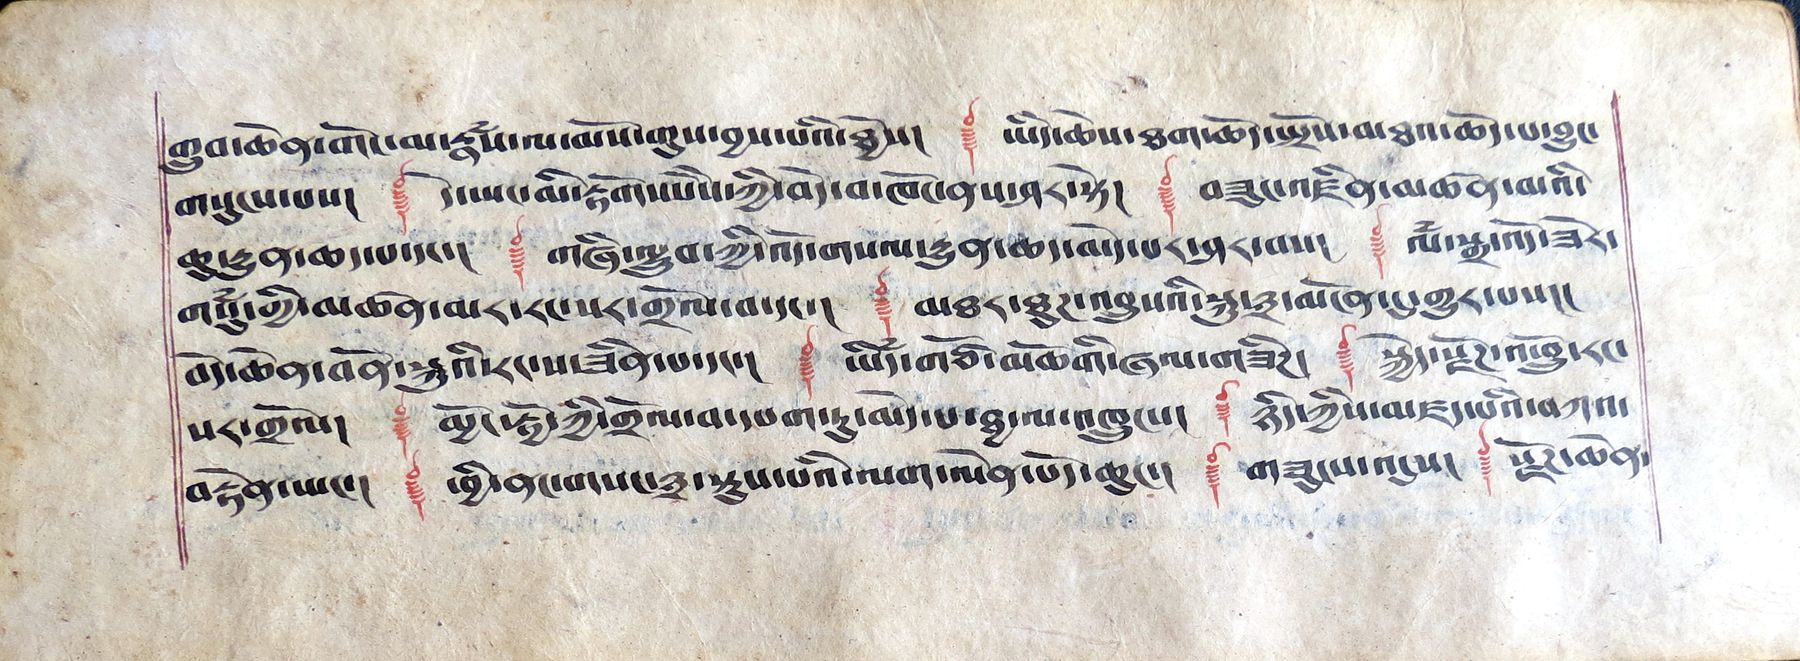གྲུབ་ཆེན་གོང་མ་རྣམས་ལ་མོས་གུས་བྱས་པའི་ཐུགས་རྗེས། ཡིད་ཆེས་ཐག་ཆོད་སྤྲོས་མཐའ་ཆོད་པ་བྱུང་
གསུངས་པས། དེ་ཡང་མི་རྟོག་ཡེ་ཤེས་ཀྱི་བདེ་བ་ཁོང་ནས་ཤར་ཏེ། བཟུང་འཛིན་མཚན་མའི་
ཆུ་རྒྱུན་ཆད་པ་དང་། གཞི་ལྷུན་གྲུབ་ཀྱི་འོད་གསལ་རྒྱུན་ཆད་མེད་པར་ཤར་བས། ལམ་སྒྲ་འོད་ཟེར་
གསུམ་གྱི་མཚན་མ་རང་སར་གྲོལ་བ་དང་། མཐར་ཐུག་འབྲས་བུ་སྐུ་གསུམ་མངོན་དུ་གྱུར་བས། 
བདེ་ཆེན་བོན་སྐུའི་རང་ས་ཟིན་པ་དང་ཡི་དམ་གཙོ་མཆོག་གི་ཞལ་གཟིགས། བསྐྱེད་རྫོགས་འཕྲོ་འདུ་རང་
སར་གྲོལ། མྱོང་རྟོགས་ཀྱི་གྲོལ་བ་དཔག་ཏུ་མེད་པ་ཐུགས་ལ་འཁྲུངས། ཉིད་ཀྱིས་མཛད་པའི་བཀའ་
བརྟེན་ཡང་། ཕྱི་ནང་གསང་གསུམ་བསྡུས་ནས་ལག་ལེན་པོད་ཆུང་། གཟུངས་འདུས། རྫོགས་ཆེན་